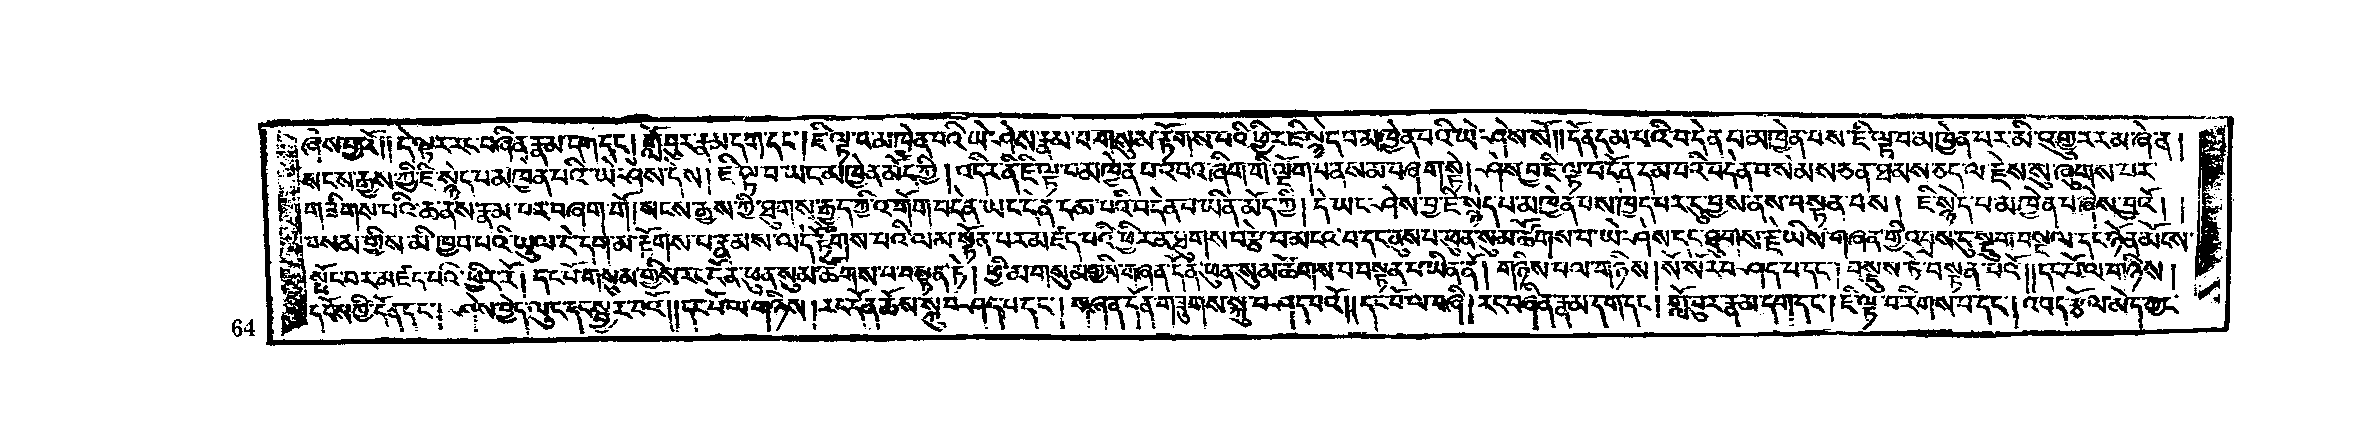ཞེས་བྱའོ། །དེ་ལྟར་རང་བཞིན་རྣམ་དག་དང་། གློ་བུར་རྣམ་དག་དང་། ཇི་ལྟ་བ་མཁྱེན་པའི་ཡེ་ཤེས་རྣམ་པ་གསུམ་རྟོགས་པའི་ཕྱིར་ཇི་སྙེད་པ་མཁྱེན་པའི་ཡེ་ཤེས་སོ། །དོན་དམ་པའི་བདེན་པ་མཁྱེན་པས་ཇི་ལྟ་བ་མཁྱེན་པར་མི་འགྱུར་རམ་ཞེ་ན།
སངས་རྒྱས་ཀྱི་ཇི་སྙེད་པ་མཁྱེན་པའི་ཡེ་ཤེས་དེས། ཇི་ལྟ་བ་ཡང་མཁྱེན་མོད་ཀྱི། འདིར་ནི་ཇི་ལྟ་བ་མཁྱེན་པ་འབའ་ཞིག་གི་ལྡོག་པ་ནས་མ་བཞག་སྟེ། ཤེས་བྱ་ཇི་ལྟ་བ་དོན་དམ་པའི་བདེན་པ་སེམས་ཅན་ཐམས་ཅད་ལ་རྗེས་སུ་ཞུགས་པར་
གཟིགས་པའི་ཆ་ནས་རྣམ་པར་བཞག་གོ །སངས་རྒྱས་ཀྱི་ཐུགས་རྒྱུད་ཀྱི་འགོག་བདེན་ཡང་དོན་དམ་པའི་བདེན་པ་ཡིན་མོད་ཀྱི། དེ་ཡང་ཤེས་བྱ་ཇི་སྙེད་པ་མཁྱེན་པས་ཁྱད་པར་དུ་བྱས་ནས་བསྟན་པས། ཇི་སྙེད་པ་མཁྱེན་པ་ཞེས་བྱའོ། །
བསམ་གྱིས་མི་ཁྱབ་པའི་ཡུལ་དེ་དག་མ་རྟོགས་པ་རྣམས་ལ་དེ་རྟོགས་པའི་ལམ་སྟོན་པར་མཛད་པའི་ཕྱིར་ན་ཐུགས་བརྩེ་བ་མངའ་བ་དང་ནུས་པ་ཕུན་སུམ་ཚོགས་པ་ཡེ་ཤེས་དང་ཐུགས་རྗེ་ཡིས་གཞན་གྱི་འབྲས་དུ་སྡུག་བསྔལ་དང་ཉོན་མོངས་
སྤང་བར་མཛད་པའི་ཕྱིར་རོ། །དང་པོ་གསུམ་གྱིས་རང་དོན་ཕུན་སུམ་ཚོགས་པ་བསྟན་ཏེ། ཕྱི་མ་གསུམ་གྱིས་གཞན་དོན་ཕུན་སུམ་ཚོགས་པ་བསྟན་པ་ཡིན་ནོ། །གཉིས་པ་ལ་གཉིས། སོ་སོར་བཤད་པ་དང་། བསྡུས་ཏེ་བསྟན་པའོ། །དང་པོ་ལ་གཉིས།
དངོས་ཀྱི་དོན་དང་། ཤེས་བྱེད་ལུང་དང་སྦྱར་བའོ། །དང་པོ་ལ་གཉིས། རང་དོན་ཆོས་སྐུ་བཤད་པ་དང་། གཞན་དོན་གཟུགས་སྐུ་བཤད་པའོ། །དང་པོ་ལ་བཞི། རང་བཞིན་རྣམ་དག་དང་། གློ་བུར་རྣམ་དག་དང་། ཇི་ལྟ་བ་རིགས་པ་དང་། འབད་རྩོལ་མེད་ཀྱང་